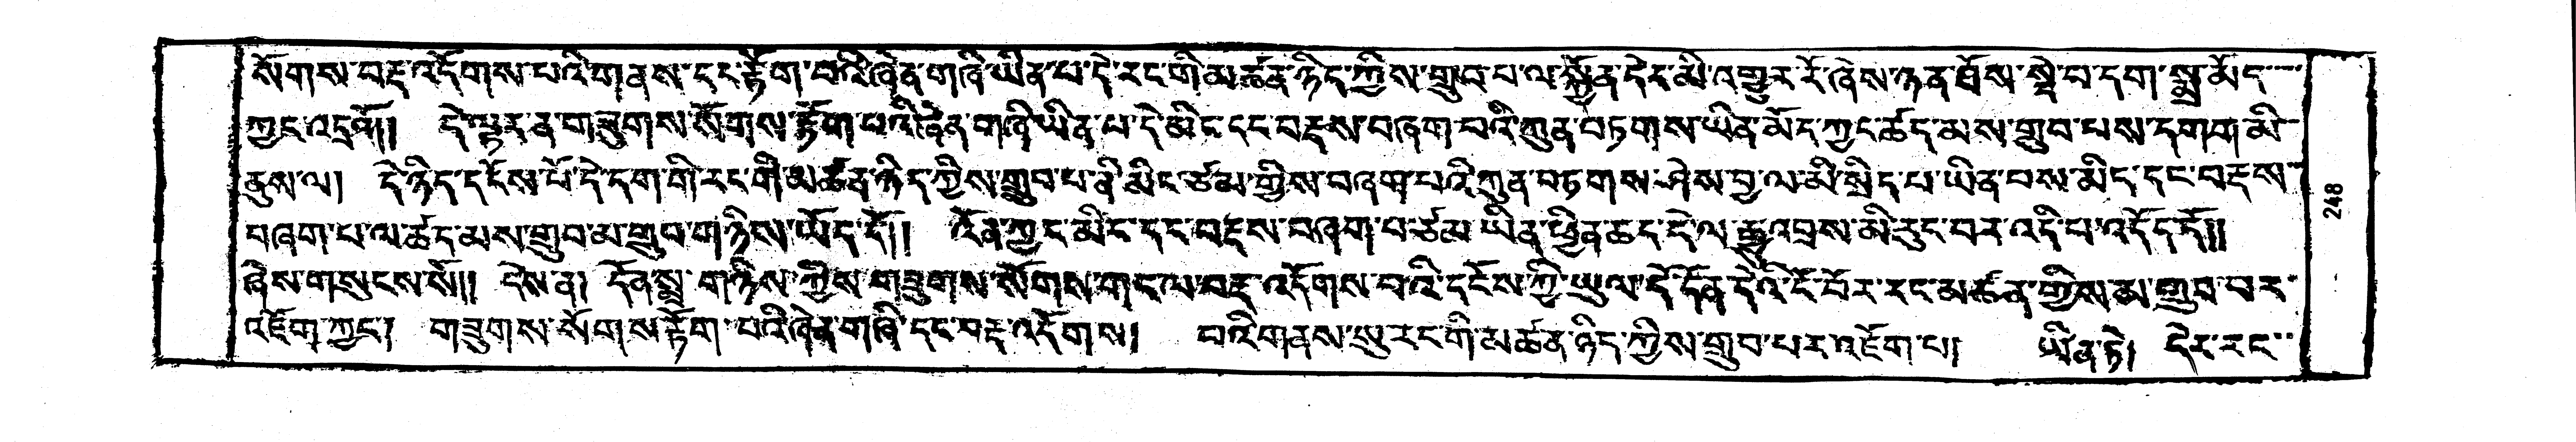སོགས་བརྡ་འདོགས་པའི་གནས་དང་རྟོག་པའི་ཞེན་གཞི་ཡིན་པ་དེ་རང་གི་མཚན་ཉིད་ཀྱིས་གྲུབ་པ་ལ་སྐྱོན་དེར་མི་འགྱུར་རོ་ཞེས་ཉན་ཐོས་སྡེ་པ་དག་སྨྲ་མོད་
ཀྱང་འདྲའོ། །དེ་ལྟར་ན་གཟུགས་སོགས་རྟོག་པའི་ཞེན་གཞི་ཡིན་པ་དེ་མིང་དང་བརྡས་བཞག་པའི་ཀུན་བཏགས་ཡིན་མོང་ཀྱང་ཚད་མས་གྲུབ་པས་དགག་མི་
ནུས་ལ། དེ་ཉིད་དངོས་པོ་དེ་དག་གི་རང་གི་མཚན་ཉིད་ཀྱིས་གྲུབ་པ་ནི་མིང་ཙམ་གྱིས་བཞག་པའི་ཀུན་བཏགས་ཤེས་བྱ་ལ་མི་སྲིད་པ་ཡིན་པས་མིང་དང་བརྡས་
བཞག་པ་ལ་ཚད་མས་གྲུབ་མ་གྲུབ་གཉིས་ཡོད་དོ། །འོན་ཀྱང་མིང་དང་བརྡས་བཞག་པ་ཙམ་ཡིན་ཕྱིན་ཆད་དེ་ལ་རྒྱུ་འབྲས་མི་རུང་བར་འདི་པ་འདོད་དོ། །
ཞེས་གསུངས་སོ། །དེས་ན། དོན་སྨྲ་གཉིས་ཀྱིས་གཟུགས་སོགས་གང་ལ་བརྡ་འདོགས་པའི་དངོས་ཀྱི་ཡུལ་དེ་དོན་དེའི་ངོ་བོར་རང་མཚན་གྱིས་མ་གྲུབ་པར་
འཇོག་ཀྱང་། གཟུགས་སོགས་རྟོག་པའི་ཞེན་གཞི་དང་བརྡ་འདོགས། པའི་གནས་སུ་རང་གི་མཚན་ཉིད་ཀྱིས་གྲུབ་པར་འཇོག་པ། ཡིན་ཏེ། དེར་རང་